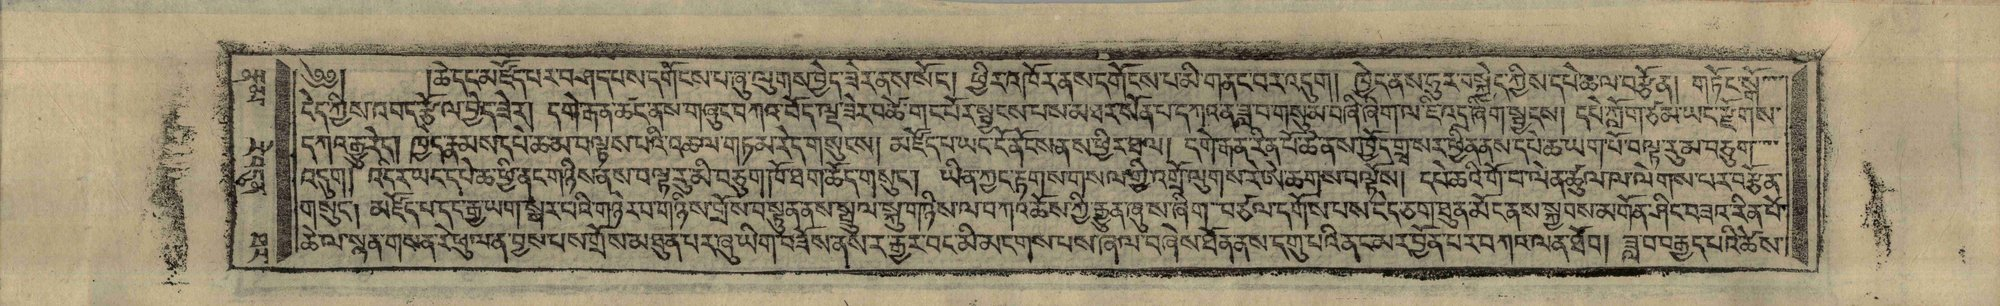༄༅། །ཆེ་དང་མཛོད་པར་བཤད་པས་དགོངས་པ་ཞུ་ལུགས་བྱེད་ཟེར་ནས་སོང་། ཕྱིར་འཁོར་ནས་དགོངས་པ་མི་གནང་བར་འདུག །ཁྱེད་ནས་ཧུར་བསྐྱེད་ཀྱིས་དཔེ་ཆ་ལ་བརྩོན། གཏོང་སྒོ་
ངེད་ཀྱིས་འབད་རྩོལ་བྱེད་ཟེར། དགེ་རྒན་ཚང་ནས་གཞུང་བཀའ་བོད་ལྔ་ཟེར་བ་ཚེ་གང་པོར་སྦྱངས་པས་མཐར་སོན་པ་དཀའ་ན་ཟླ་བ་གསུམ་བཞི་ཞིག་ལ་ཇི་འདྲ་ཞིག་སྦྱངས། དཔེ་ཀློག་ཙམ་ཡང་རྫོགས་
དཀའ་རྒྱུ་རེད། ཁྱེད་རྣམས་དཔེ་ཆ་མ་བལྟས་པའི་འཆལ་གཏམ་རེད་གསུངས། མཛོད་པ་ཡང་ངོ་ནོངས་ནས་ཕྱིར་ཐལ། དགེ་རྒན་རིན་པོ་ཆེ་ནས་ཁྱོད་གྲྭ་སར་ཕྱིན་ནས་དཔེ་ཆ་ཡག་པོ་བལྟ་རུ་མ་བཅུག་
འདུག །འདིར་ཡང་དཔེ་ཆ་ཕྱི་ནང་གཉིས་ནས་བལྟ་རུ་མི་བཅུག་ཁོ་ཐག་ཆོད་གསུང་། ཡིན་ཀྱང་རྟགས་གསལ་གྱི་འགྲོ་ལུགས་རེ་ཨེ་ཆགས་བལྟོས། དཔེ་ཆའི་གོ་པ་ལེན་ཚུལ་ལ་ལེགས་པར་བརྩོན་
གསུང་། མཛོད་པ་དང་རྒྱ་ཡག་སྒར་པའི་གཉེར་བ་གཉིས་གྲོས་བསྟུན་ནས་སྤྲུལ་སྐུ་གཉིས་ལ་བཀའ་ཆོས་ཀྱི་རྒྱུན་ཞུ་ས་ཞིག་བཙལ་དགོས་པས་ངེད་ཅག་ཐུན་མོང་ནས་སྐྱབས་མགོན་ཤིང་བཟའ་རིན་པོ་
ཆེ་ལ་སྙན་གསན་རེ་ཕུལ་ན་བྱས་པས་གྲོས་མཐུན་པར་ཞུ་ཡིག་བཟོས་ནས་ར་རྒྱར་བང་མི་མངགས་པས་ཞལ་བཞེས་ཐོན་ནས་དགུ་པའི་ནང་མར་བྱོན་པར་བཀའ་ལན་ཐོབ། ཟླ་བ་བརྒྱད་པའི་ཚེས་